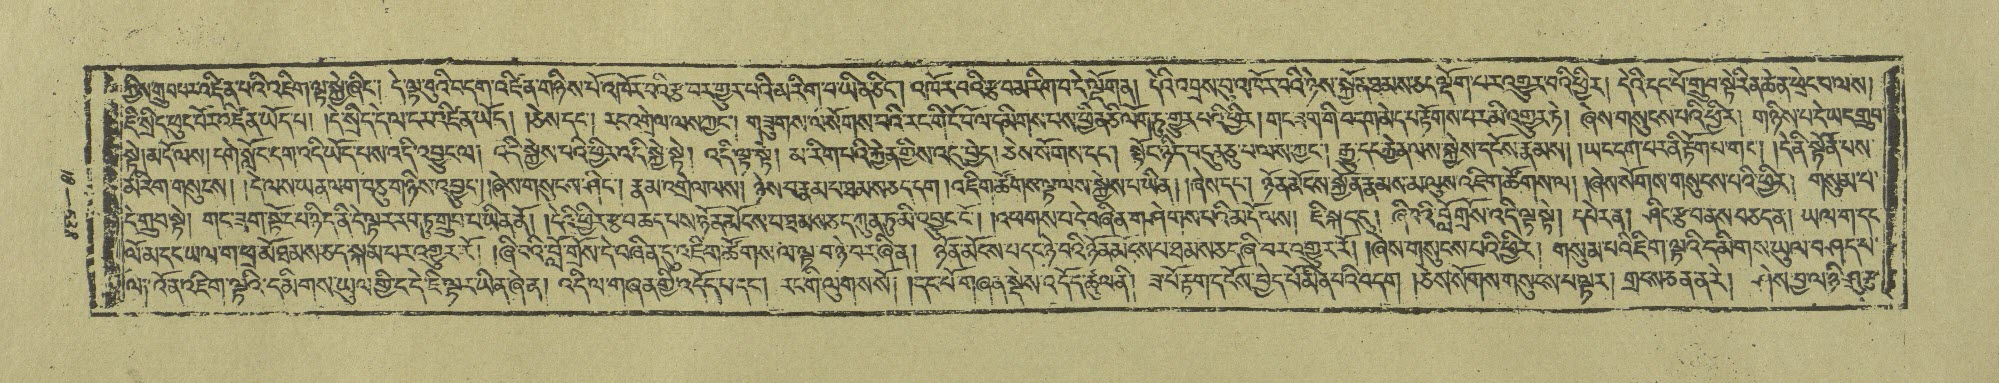སྒྲུབ་པར་འཛིན་པའི་འཇིག་ལྟ་སྐྱེ་ཞིང་། དེ་ལྟ་བུའི་བདག་འཛིན་གཉིས་པོ་འཁོར་བའི་རྩ་བར་གྱུར་པའི་མ་རིག་པ་ཡིན་ཅིང་། འཁོར་བའི་རྩ་བ་མ་རིག་པ་དེ་ལྡོག་ན། དེའི་འབྲས་བུ་འཁོར་བའི་ཉེས་སྐྱོན་ཐམས་ཅད་ལྡོག་པར་འགྱུར་བའི་ཕྱིར། དེའི་དང་པོ་གྲུབ་སྟེ་རིན་ཆེན་ཕྲེང་བ་ལས།
ཇི་སྲིད་ཕུང་པོར་འཛིན་ཡོད་པ། །དེ་སྲིད་དེ་ལ་ངར་འཛིན་ཡོད། །ཅེས་དང་། རང་འགྲེལ་ལས་ཀྱང་། གཟུགས་ལ་སོགས་པའི་རང་གི་ངོ་བོ་ལ་དམིགས་པས་ཕྱིན་ཅི་ལོག་ཏུ་གྱུར་པའི་ཕྱིར། གང་ཟག་གི་བདག་མེད་པ་རྟོགས་པར་མི་འགྱུར་ཏེ། ཞེས་གསུངས་པའི་ཕྱིར། གཉིས་པ་དེ་ཡང་གྲུབ་
སྟེ། མདོ་ལས། དགེ་སློང་དག་འདི་ཡོད་པས་འདི་འབྱུང་ལ། འདི་སྐྱེས་པའི་ཕྱིར་འདི་སྐྱེ་སྟེ། འདི་ལྟ་སྟེ། མ་རིག་པའི་རྐྱེན་གྱིས་འདུ་བྱེད། ཅེས་སོགས་དང་། སྟོང་ཉིད་བདུན་ཅུ་པ་ལས་ཀྱང་། རྒྱུ་དང་རྐྱེན་ལས་སྐྱེས་དངོས་རྣམས། །ཡང་དག་པར་ནི་རྟོག་པ་གང་། །དེ་ནི་སྟོན་པས་
མ་རིག་གསུངས། །དེ་ལས་ཡན་ལག་བཅུ་གཉིས་འབྱུང་། །ཞེས་གསུངས་ཤིང་། རྣམ་འགྲེལ་ལས། ཉེས་པ་རྣམ་པ་ཐམས་ཅད་དག །འཇིག་ཚོགས་ལྟ་ལས་སྐྱེས་པ་ཡིན། །ཞེས་དང་། ཉོན་མོངས་སྐྱོན་རྣམས་མ་ལུས་འཇིག་ཚོགས་ལ། །ཞེས་སོགས་གསུངས་པའི་ཕྱིར། གསུམ་པ་
དེ་གྲུབ་སྟེ། གང་ཟག་སྟོང་པ་ཉིད་ནི་དེ་ལྟར་རབ་ཏུ་གྲུབ་པ་ཡིན་ནོ། །དེའི་ཕྱིར་རྩ་བ་ཆད་པས་ཉོན་མོངས་པ་ཐམས་ཅད་ཀུན་ཏུ་མི་འབྱུང་ངོ། །འཕགས་པ་དེ་བཞིན་གཤེགས་པའི་མདོ་ལས། ཇི་སྐད་དུ། ཞི་བའི་བློ་གྲོས་འདི་ལྟ་སྟེ། དཔེར་ན། ཤིང་རྩ་བ་ནས་བཅད་ན། ཡལ་ག་དང་
ལོ་མ་དང་ཡལ་ག་ཕྲ་མོ་ཐམས་ཅད་སྐམ་པར་འགྱུར་རོ། །ཞི་བའི་བློ་གྲོས་དེ་བཞིན་དུ་འཇིག་ཚོགས་ལ་ལྟ་བ་ཉེ་བར་ཞི་ན། ཉོན་མོངས་པ་དང་ཉེ་བའི་ཉོན་མོངས་པ་ཐམས་ཅད་ཞི་བར་འགྱུར་རོ། །ཞེས་གསུངས་པའི་ཕྱིར། གསུམ་པ་འཇིག་ལྟའི་དམིགས་ཡུལ་བཤད་པ་
ལ། འོ་ན་འཇིག་ལྟའི་དམིགས་ཡུལ་གྱི་ང་དེ་ཇི་ལྟར་ཡིན་ཞེ་ན། འདི་ལ་གཞན་གྱི་འདོད་པ་དང་། རང་གི་ལུགས་སོ། །དང་པོ་གཞན་སྡེས་འདོད་ཚུལ་ནི། ཟ་པོ་རྟག་དངོས་བྱེད་པོ་མིན་པའི་བདག །ཅེས་སོགས་གསུངས་པ་ལྟར། གྲངས་ཅན་ན་རེ། ཤེས་བྱ་ལ་ཉི་ཤུ་རྩ་